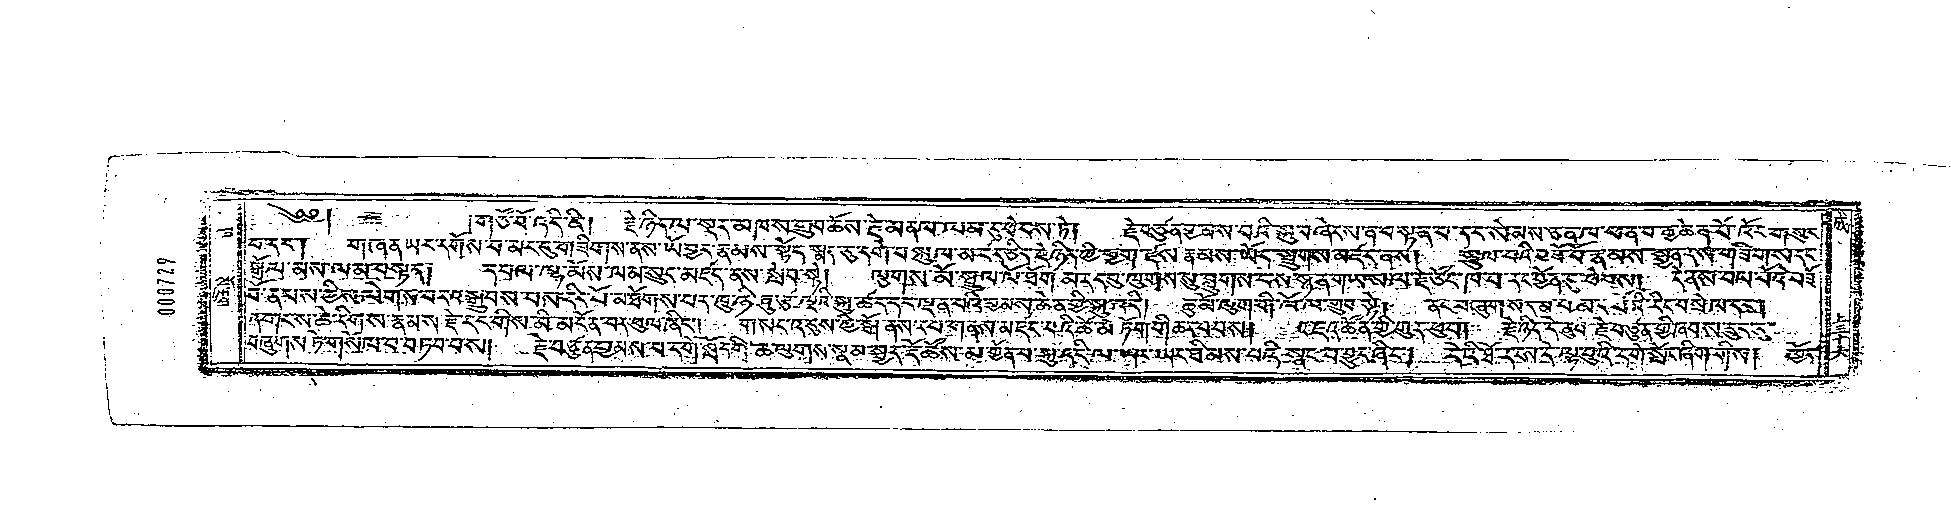༄༅། །གཙོ་བོ་འདི་ནི། རྗེ་ཉིད་ལ་སྔར་མཁས་གྲུབ་ཆོས་རྗེ་མནལ་ལམ་དུ་ཕེབས་ཏེ། རྗེ་བཙུན་བྱམས་པའི་སྐུ་བཞེངས་ན་བསྟན་པ་དང་སེམས་ཅན་ལ་ཕན་པ་རྒྱ་ཆེན་པོ་འོང་གསུང་
བ་དང་། གཞན་ཡང་དགོས་བ་མང་དུ་གཟིགས་ནས་ཡོ་བྱད་རྣམས་སྟོད་སྨད་དུ་དགེ་བསྐུལ་མཛད་ཅིང་རྗེ་ཉིད་ཀྱི་ཕྱག་རྫས་རྣམས་ཡོད་སྦྲུགས་མཛད་ནས། སྦྲུལ་བའི་བཟོ་བོ་རྣམས་སྦྱན་རས་གཟིགས་དང་
སྒྲོལ་མས་ལམ་བསྟན། དཔལ་ལྷ་མོས་ལམ་སྲུང་མཛད་ནས་སླེབ་སྟེ། ལྕགས་མོ་སྦྲུལ་ལོ་ཐོག་མར་དབུ་ལུགས་སུ་བླུགས་པས་སྙན་གཡས་ལ་རྗེ་ཙོང་ཁ་པ་རང་བྱོན་དུ་ཕེབས། དེ་ནས་བལ་པོའི་བཟོ་
བོ་རྣམས་ཀྱིས་ལེགས་པར་བསྒྲུབས་པས་རིང་པོ་མ་ཐོགས་པར་ཁྲུ་ཉི་ཤུ་རྩ་ལྔའི་སྐུ་ཚད་དང་ལྡན་པའི་བྱམས་ཆེན་གྱི་སྐུ་འདི། ཆུ་མོ་ཁུག་གི་ལོ་ལ་གྲུབ་སྟེ། ནང་བཞུགས་དམ་པ་མང་པོའི་རིང་བསྲེལ་དང་།
འགངས་ཆེ་རིགས་རྣམས་རྗེ་རང་གིས་མི་མངོན་བར་ཕུལ་ཞིང་། གསང་འདུས་ཀྱི་སྒོ་ནས་རབ་གནས་མཛད་པའི་ཚེ་མེ་ཏོག་གི་ཆར་བབས། འཇའ་ཚོན་གྱི་གུར་ཕུབ། རྗེ་ཉིད་དེ་ནུབ་རྗེ་བཙུན་གྱི་ཞབས་དྲུང་དུ།
བཞུགས་ཏེ་གསོལ་བ་བཏབ་པས། རྗེ་བཙུན་བྱམས་པ་དགེ་སློང་གི་ཆ་ལུགས་སྣམ་སྦྱར་རྡོ་ཚོས་མ་གྱོན་པ་སྐུ་འདི་ལ་ཡང་ཡང་ཐིམས་པའི་སྣང་བ་བྱུང་ཞིང་། དེའི་ཐོ་རངས་དེ་ལྟ་བུའི་དགེ་སློང་ཞིག་གིས། ཁྱོད་